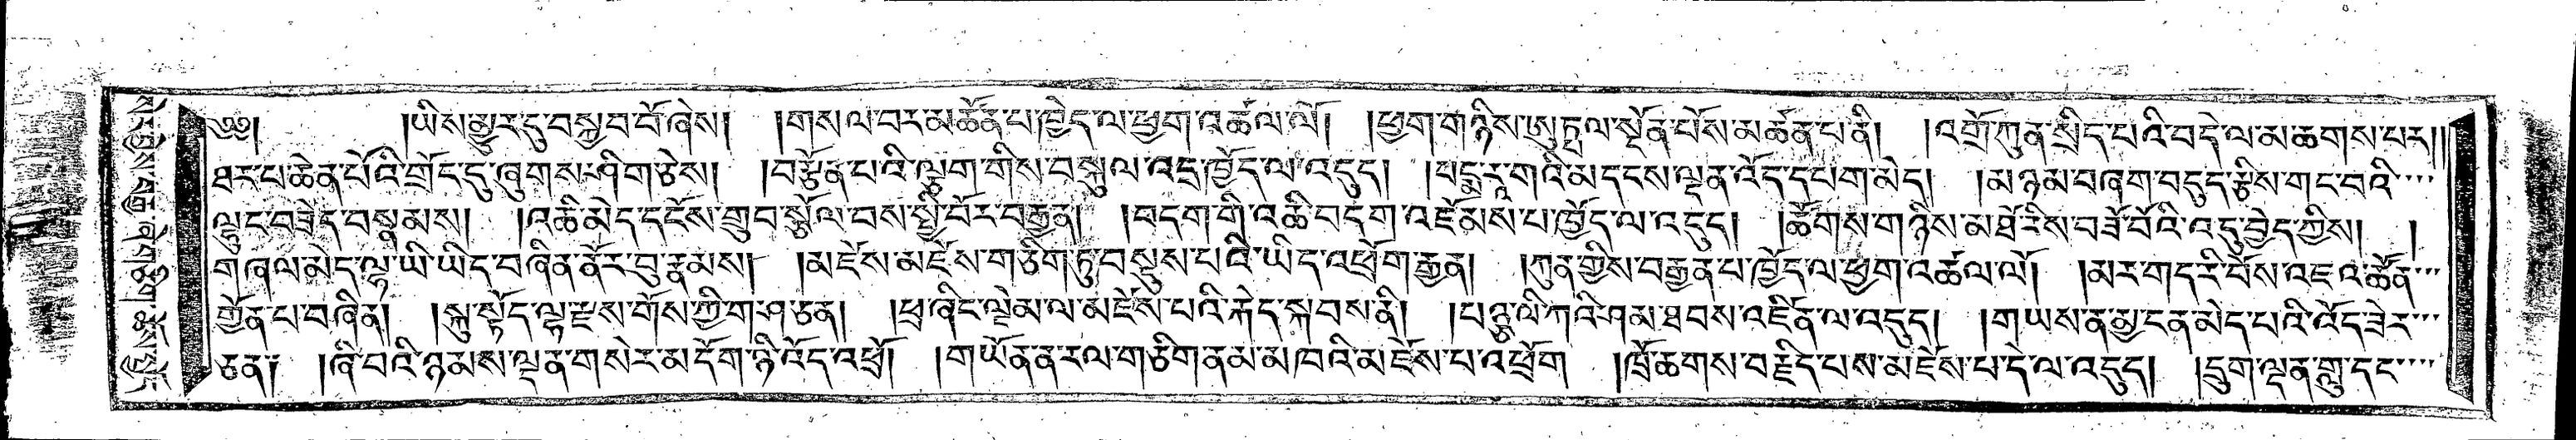༄༅། །ཡིས་མྱུར་དུ་བསྐྱབ་བོ་ཞེས། །གསལ་བར་མཚོན་པ་ཁྱེད་ལ་ཕྱག་འཚལ་ལོ། །ཕྱག་གཉིས་ཨུ་ཏྤལ་སྔོན་པོས་མཚན་པ་ནི། །འགྲོ་ཀུན་སྲིད་པའི་བདེ་ལ་མ་ཆགས་པར། །
ཐར་པ་ཆེན་པོའི་གྲོང་དུ་ཞུགས་ཤིག་ཅེས། །བརྩོན་པའི་ལྕག་གིས་བསྐུལ་འདྲ་ཁྱོད་ལ་འདུད། །པདམ་རཱ་གའི་མདངས་ལྡན་འོད་དཔག་མེད། །མཉམ་བཞག་བདུད་རྩིས་གང་བའི་
ལྷུང་བཟེད་བསྣམས། །འཆི་མེད་དངོས་གྲུབ་སྩོལ་བས་སྤྱི་བོར་བརྒྱན། །བདག་གི་འཆི་བདག་འཇོམས་པ་ཁྱོད་ལ་འདུད། །ཚོགས་གཉིས་མཐོ་རིས་བཟོ་བོའི་འདུ་བྱེད་ཀྱིས། །
གཞལ་མེད་ལྷ་ཡི་ཡིད་བཞིན་ནོར་བུ་རྣམས། །མཛེས་མཛེས་གཅིག་ཏུ་བསྡུས་པའི་ཡིད་འཕྲོག་རྒྱན། །ཀུན་གྱིས་བརྒྱན་པ་ཁྱོད་ལ་ཕྱག་འཚལ་ལོ། །མར་གད་རི་བོས་འཇའ་ཚོན་
གྱོན་པ་བཞིན། །སྐུ་སྟོད་ལྷ་རྫས་གོས་ཀྱི་ག་ཤ་ཅན། །ཕྲ་ཞིང་ལྡེམ་ལ་མཛེས་པའི་རྐེད་སྐབས་ནི། །པཉྩ་ལི་ཀའི་ཤམ་ཐབས་འཛིན་ལ་འདུད། །གཡས་ན་མྱ་ངན་མེད་པའི་འོད་ཟེར་
ཅན། །ཞི་བའི་ཉམས་ལྡན་གསེར་མདོག་ཉི་འོད་འཕྲོ། །གཡོན་ན་རལ་གཅིག་ནམ་མཁའི་མཛེས་པ་འཕྲོག །ཁྲོ་ཆགས་བརྗིད་པས་མཛེས་པ་དེ་ལ་འདུད། །དྲུག་ལྡན་གླུ་དང་